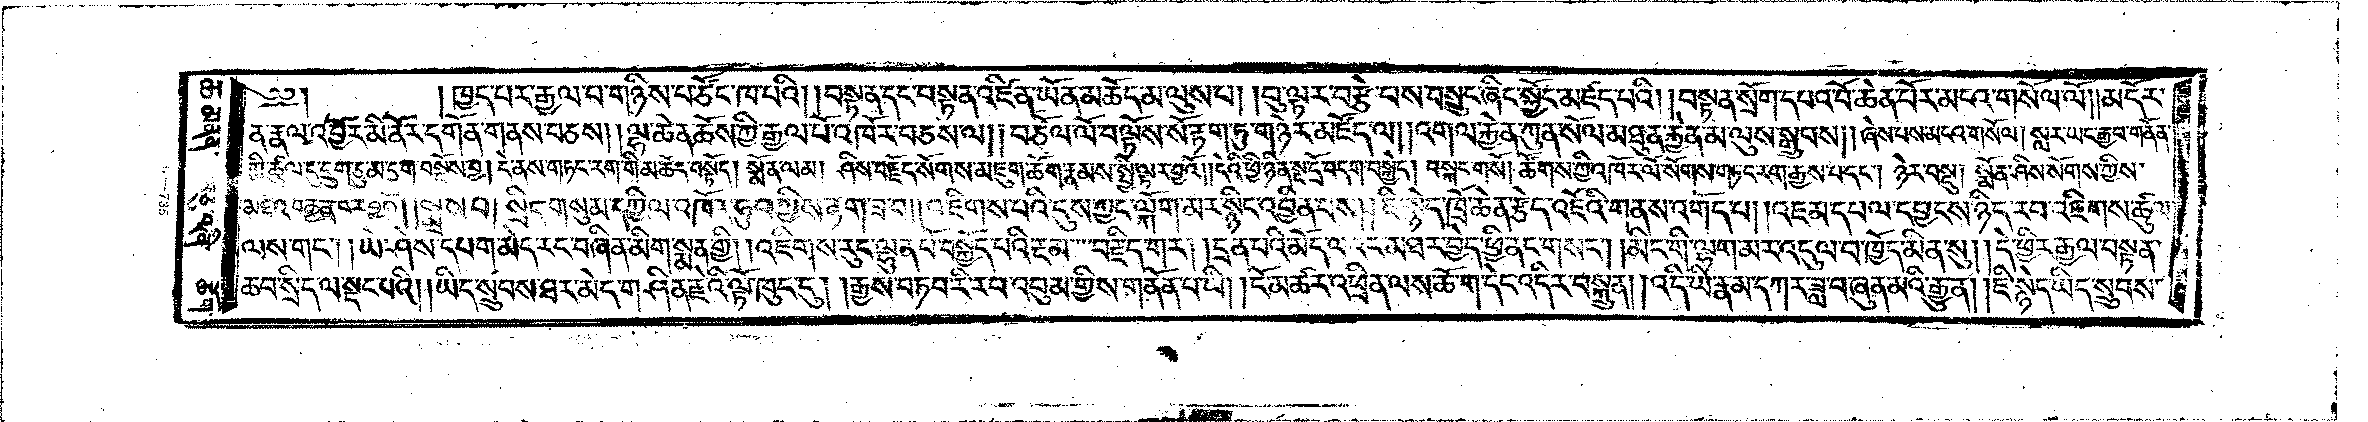༄༅། །ཁྱད་པར་རྒྱལ་བ་གཉིས་པ་ཙོང་ཁ་པའི། །བསྟན་དང་བསྟན་འཛིན་ཡོན་མཆོད་མ་ལུས་པ། །བུ་ལྟར་བརྩེ་བས་བསྲུང་ཞིང་སྐྱོང་མཛད་པའི། །བསྟན་སྲོག་དཔའ་བོ་ཆེན་པོར་མངའ་གསོལ་ལོ། །མདོར་
ན་རྣལ་འབྱོར་མི་ནོར་དགོན་གནས་བཅས། །ལྷ་ཆེན་ཆོས་ཀྱི་རྒྱལ་པོ་འཁོར་བཅས་ལ། །བཅོལ་ལོ་བལྟོས་སོ་རྟག་ཏུ་གཉེར་མཛོད་ལ། །འགལ་རྐྱེན་ཀུན་སོལ་མཐུན་རྐྱེན་མ་ལུས་སྒྲུབས། །ཞེས་པས་མངའ་གསོལ། སླར་ཡང་རྒྱབ་གནོན་
གྱི་ཚུལ་དུ་དྲུག་ཅུ་མ་དྲག་བསྔོས་བྱ། དེ་ནས་གཏང་རག་གི་མ་ཆོད་བསྟོད། སྨོན་ལམ། ཤིས་བརྗོད་སོགས་མཇུག་ཆོག་རྣམས་སྤྱི་ལྟར་བྱའོ། །དེའི་ཕྱི་ཉིན་སྔ་དྲོ་བདག་བསྐྱེད། བསྐང་གསོ། ཚོགས་ཀྱི་འཁོར་ལོ་སོགས་གཏང་རག་རྒྱས་པ་དང་། ཉེར་བསྡུ། སྨོན་ཤིས་སོགས་ཀྱིས་
མཐའ་བརྒྱན་པར་བྱའོ། །སྨྲས་བ། སྲིད་གསུམ་དཀྱིལ་འཁོར་ཧུབ་གྱིས་རྟག་ཟ་བ། །འཇིགས་པའི་དུས་ཀྱང་ལྐོག་མར་སྙིང་འབྱིན་པས། །ཇི་སྙེད་ཁྲོ་ཆེན་རྩེད་འཇོའི་གནས་འགོད་པ། །འཇམ་དཔལ་དབྱངས་ཉིད་རབ་འཇིགས་ཚུལ་
ལས་གང་། །ཡེ་ཤེས་དཔག་མེད་རང་བཞིན་མིག་སྨན་གྱི། །འཇིགས་རུང་ལྷུན་པོ་བསྐྱོད་པའི་རྔམ་བརྗིད་གར། །དྲན་པའི་མོད་ལའང་མཐར་བྥྱི་ནང་གསང་། །མིང་གི་ལྷག་མར་འདུལ་བ་ཁྱོ་མིན་སུ། །དེ་ཕྱིར་རྒྱལ་བསྟན་
ཆབ་སྲིད་ལ་སྡང་པའི། །ཡིད་སྲུབས་ཐར་མེད་གཤིན་རྗེའི་ལྟོ་ཁུང་དུ། །རྒྱས་བཏབ་རི་རབ་འབུམ་གྱིས་གནོན་པ་ཡི། །ངོ་མཚར་འཕྲིན་ལས་ཆོ་ག་དེང་འདིར་བསྐྲུན། །འདི་ཡི་རྣམ་དཀར་ཟླ་བ་ཞུན་མའི་རྒྱུ་ན། །ཇི་སྙེད་ཡིད་སྲུབས་